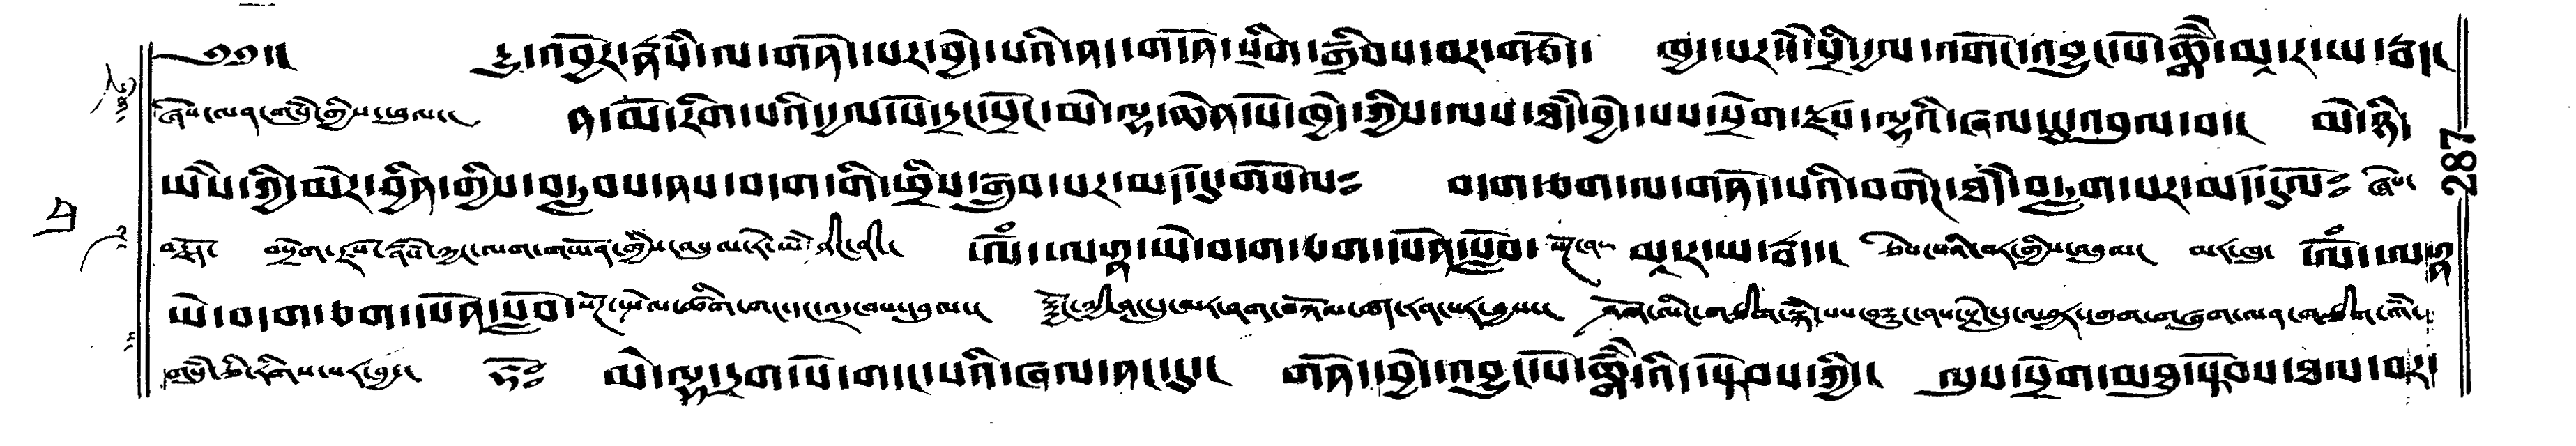རྒྱུ་སྦྱོར་རྣམས་ལ་གནོད་པར་བྱེད་པའི་ནད་གདོན་སྡིག་སྒྲིབ་བར་གཅོད། ཁྱད་པར་དམ་སྲི་རྒྱལ་འགོང་འབྱུང་པོ་ཆེ་གེ་མོ་མཱ་ར་ཡ་རྦད། 
ཞེས་ལན་གསུམ་གྱིས་ཕུལ། ན་མོཿརིག་པའི་རྒྱལ་པོ་དྲང་སྲོང་མེ་ལྷ་ཆེན་པོ་ཁྱེད་ཀྱིས་ལས་ཐམས་ཅད་བྱེད་པས་སྲེག་རྫས་ལྷའི་ཞལ་དུ་འབུལ་བ། མེ་ཉིད་
ཡེ་ཤེས་ཀྱི་མེར་བྱིན་གྱིས་བརླབས་ནས་བདག་གི་ཕྲིན་ལས་སྒྲུབ་པར་མཛད་དུ་གསོལ། བདག་ཅག་ལ་གནོད་པའི་བགེགས་ཐམས་ཅད་བརླག་པར་མཛད་དུ་གསོལ། ཞེས་
བརྗོད། བསྲེག་རྫས་རྣམས་ཀྱང་ལག་གཡོན་གྱིས་འབུལ་ཏེ་ཡམས་ཤིང་ནི། ཨོཾ་ཨགྣེ་ཡེ་བདག་ཅག་དཔོན་སློབ་སོགས་ནས་མཱ་ར་ཡ་རྦད། ཅེས་པའི་བར་གྱིས་འབུལ། མར་ཁུར། ཨོཾ་ཨགྣེ་
ཡེ་བདག་ཅག་དཔོན་སློབ་སོགས་སྤེལ་ཚིག་གོང་དང་འདྲ་བས་དབུལ། སྐྱོགས་ཀྱི་ནང་དུ་མར་ནག་བཀོལ་ཚད་རན་པར་བྱས། ཤོག་ལིང་གཅིག་སྐམ་པས་བཟུང་ནས་སྟེང་དུ་འཕྱར། དགུག་གཞུག་ལན་གཅིག་གམ་
གསུམ་ཅི་རིགས་པར་བྱ། ཧོཿ མེ་ལྷ་དྲག་པོ་གདངས་པའི་ཞལ་ནང་དུ༔ གནོད་བྱེད་འབྱུང་པོ་ཆེ་གེ་མོ་འདི་སྟོབས་ཀྱི༔ ལུས་སྲོག་མཐུ་སྟོབས་ཐལ་བར་